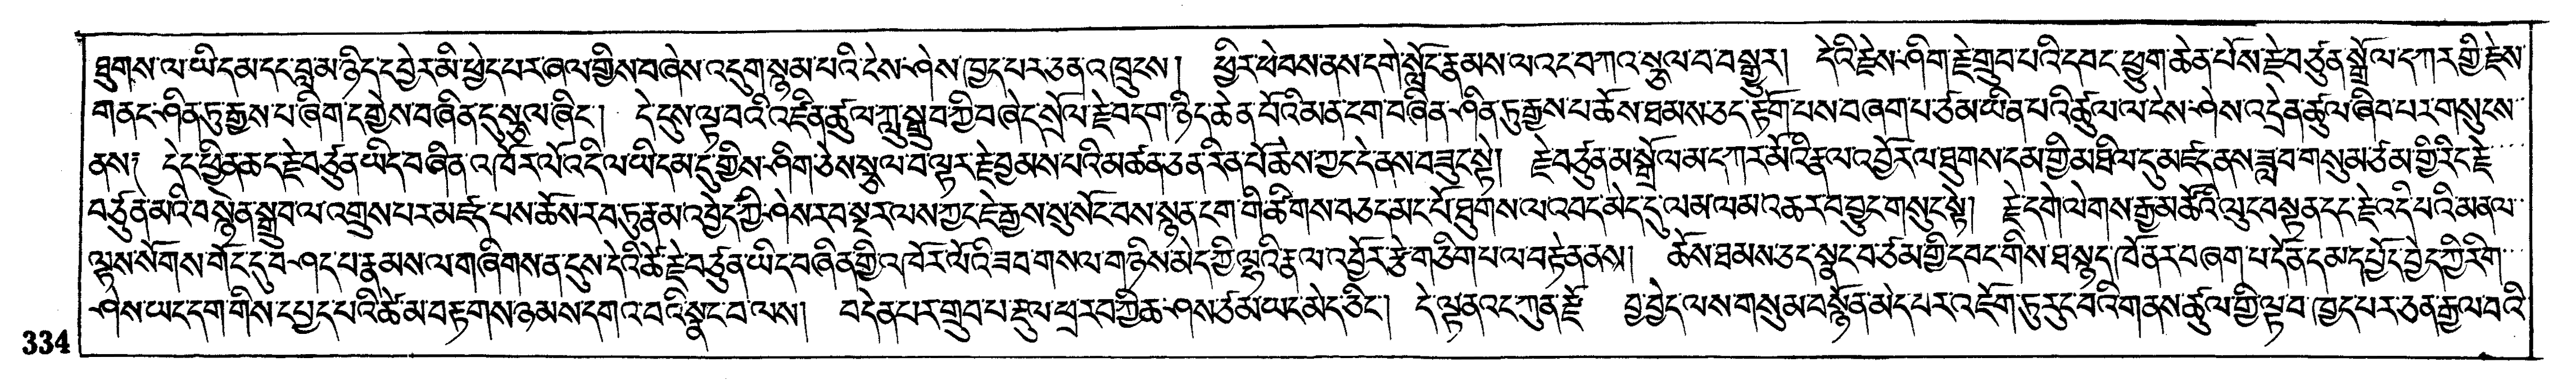ཐུགས་ལ་ཡི་དམ་དང་བླ་མ་ཉིད་དབྱེར་མི་ཕྱེད་བར་ཞལ་གྱིས་བཞེས་འདུག་སྙམ་པའི་ངེས་ཤེས་ཁྱད་པར་ཅན་འཁྲུངས། ཕྱིར་ཕེབས་ནས་དགེ་སློང་རྣམས་ལའང་བཀའ་སྩལ་བ་བསྒྱུར། དེའི་རྗེས་ཤིག་རྗེ་གྲུབ་པའི་དབང་ཕྱུག་ཆེན་པོས་རྗེ་བཙུན་སྒྲོལ་དཀར་གྱི་རྗེས་
གནང་ཤིན་ཏུ་རྒྱས་པ་ཞིག་དགྱེས་བཞིན་དུ་སྩལ་ཞིང་། དེ་དུས་ལྟ་བའི་འཛིན་ཚུལ་ཀླུ་སྒྲུབ་ཀྱི་བཞེད་སྲོལ་རྗེ་བདག་ཉིད་ཆེན་པོའི་མན་ངག་བཞིན་ཤིན་ཏུ་རྒྱས་པ་ཆོས་ཐམས་ཅད་རྟོག་པས་བཞག་པ་ཙམ་ཡིན་པའི་ཚུལ་ལ་ངེས་ཤེས་འདྲེན་ཚུལ་ཞིབ་པར་གསུངས་
ནས༑ དེང་ཕྱིན་ཆད་རྗེ་བཙུན་ཡིད་བཞིན་འཁོར་ལོ་འདི་ལ་ཡི་དམ་དུ་གྱིས་ཤིག་ཅེས་སྩལ་བ་ལྟར་རྗེ་བྱམས་པའི་མཚན་ཅན་རིན་པོ་ཆེས་ཀྱང་དེ་ནས་བཟུང་སྟེ། རྗེ་བཙུན་མ་སྒྲོལ་མ་དཀར་མོའི་རྣལ་འབྱོར་ལ་ཐུགས་དམ་གྱི་མཐིལ་དུ་མཛད་ནས་ཟླ་བ་གསུམ་ཙམ་གྱི་རིང་རྗེ་
བཙུན་མའི་བསྙེན་སྒྲུབ་ལ་འགྲུས་པར་མཛད་པས་ཆོས་རབ་ཏུ་རྣམ་འབྱེད་ཀྱི་ཤེས་རབ་སྔར་ལས་ཀྱང་ཇེ་རྒྱས་སུ་སོང་བས་སྙན་ངག་གི་ཚིགས་བཅད་མང་པོ་ཐུགས་ལ་འབད་མེད་དུ་ལམ་ལམ་འཆར་བ་བྱུང་གསུང་སྟེ། རྗེ་དགེ་ལེགས་རྒྱ་མཚོའི་ལུང་བསྟན་དང་རྗེ་འདི་པའི་མནལ་
ལྟས་སོགས་གོང་དུ་བཤད་པ་རྣམས་ལ་གཞིགས་ན་དུས་དེའི་ཚེ་རྗེ་བཙུན་ཡིད་བཞིན་གྱི་འཁོར་ལོའི་ཟབ་གསལ་གཉིས་མེད་ཀྱི་ལྷའི་རྣལ་འབྱོར་རྩེ་གཅིག་པ་ལ་བརྟེན་ནས། ཆོས་ཐམས་ཅད་སྣང་བ་ཙམ་གྱི་དབང་གིས་ཐ་སྙད་ཁོ་ནར་བཞག་པ་དོན་དམ་དཔྱོད་བྱེད་ཀྱི་རིག་
ཤེས་ཡང་དག་གིས་དཔྱད་བའི་ཚེམ་བརྟགས་ཉམས་དགའ་བའི་སྣང་བ་ལས། བདེན་པར་གྲུབ་པ་རྡུལ་ཕྲ་རབ་ཀྱི་ཆ་ཤས་ཙམ་ཡང་མེད་ཅིང་། དེ་ལྟ་ནའང་ཀུན་རྫོབ་ཏུ་བྱ་བྱེད་ལས་གསུམ་བསྙོན་མེད་པར་འཇོག་ཏུ་རུང་བའི་གནས་ཚུལ་གྱི་ལྟ་བ་ཁྱད་པར་ཅན་རྒྱལ་བའི་